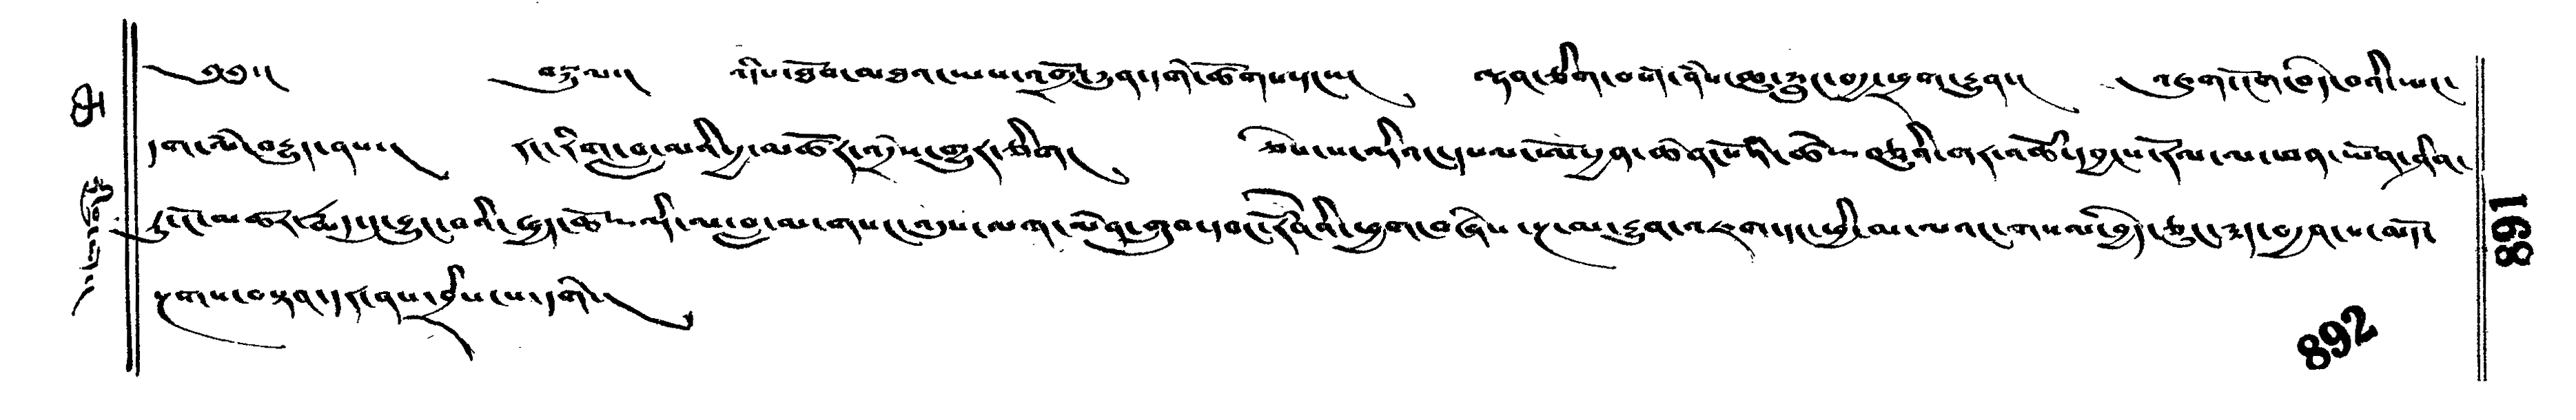བསྐུལ། །འདིས་ཐོབ་མཐའ་ཡས་འགྲོ་ཀུན་དགེ་ཚོགས་དང་། །ལྷན་ཅིག་བསོད་ནམས་ཆུ་ཀླུང་བརྒྱ་ཕྲག་རྒྱུན། །འཇུག་ངོགས་བདེ་བའི་ཡང་
དག་ལམ་བརྒྱུད་ནས། །རང་རིག་བླ་མའི་རྒྱ་མཚོར་འདྲེས་གྱུར་ཅིག །ཅེས་པ་འདིའང་དཔལ་ཨོ་རྒྱན་ཆེན་པོའི་ཆེས་བཅུའི་གར་འཆམ་དབྱངས་རོལ་ལ་ཕན་ཡོན་ཤིན་
ཏུ་ངོ་མཚར་རྨད་དུ་བྱུང་བའི་ཁྱད་ཆོས་འདི་ལ་བླ་མ་གསང་འདུས་ལག་ལེན་གྲུབ་དབང་རིན་པོ་ཆེའི་ཕྱག་བཞེས་སྔ་མ་རྒྱུན་འཇགས་དང་ཕྱི་མ་ལའང་གསལ་བྱེད་ཅུང་ཟད་ཀྱིས་བརྒྱན་པ་མདོ་
སྔགས་བསྟན་དར་ནས་བྲིས་པ་དགེ།།